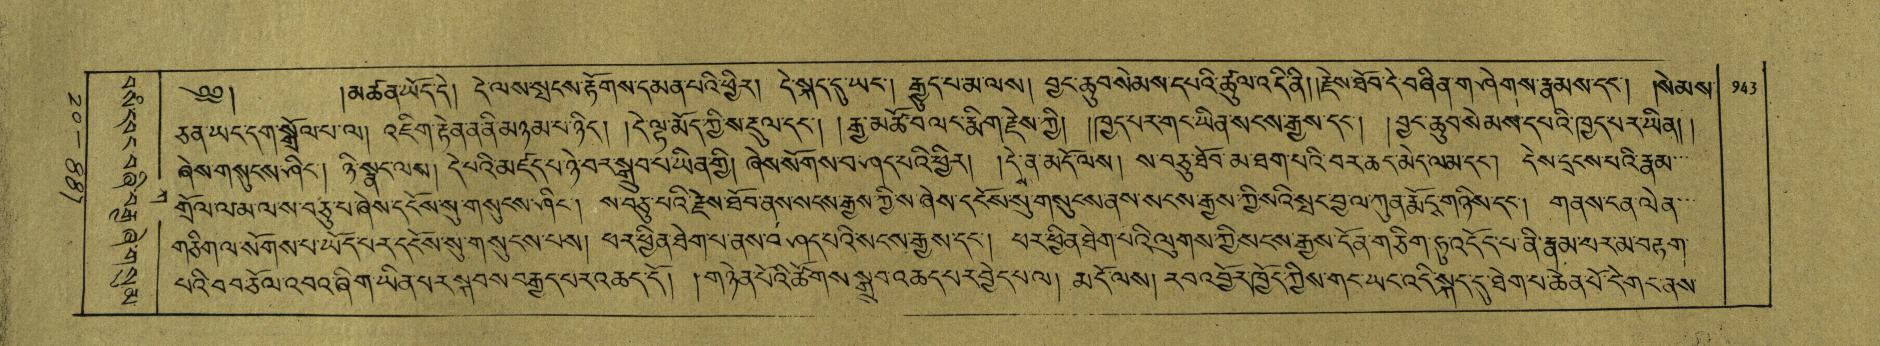༄༅། །མཚན་ཡོད་དེ། དེ་ལས་སྤངས་རྟོགས་དམན་པའི་ཕྱིར། དེ་སྐད་དུ་ཡང་། རྒྱུད་པ་མ་ལས། བྱང་ཆུབ་སེམས་དཔའི་ཚུལ་འདི་ནི། །རྗེས་ཐོབ་དེ་བཞིན་གཤེགས་རྣམས་དང་། །སེམས་
ཅན་ཡང་དག་སྒྲོལ་པ་ལ། འཇིག་རྟེན་ན་ནི་མཉམ་པ་ཉིད། །དེ་ལྟ་མོད་ཀྱི་ས་རྡུལ་དང་། །རྒྱ་མཚོ་བ་ལང་རྨིག་རྗེས་ཀྱི། །ཁྱད་པར་གང་ཡིན་སངས་རྒྱས་དང་། །བྱང་ཆུབ་སེམས་དཔའི་ཁྱད་པར་ཡིན།།
ཞེས་གསུངས་ཤིང་། ཉི་སྣང་ལས། དེ་པའི་མཛད་པ་ཉེ་བར་སྒྲུབ་པ་ཡིན་གྱི། ཞེས་སོགས་བཤད་པའི་ཕྱིར། །དེས་ན་མདོ་ལས། ས་བཅུ་ཐོབ་མ་ཐག་པའི་བར་ཆད་མེད་ལམ་དང་། དེས་དྲངས་པའི་རྣམ་
གྲོལ་ལམ་ལས་བཅུ་པ་ཞེས་དངོས་སུ་གསུངས་ཤིང་། ས་བཅུ་པའི་རྗེས་ཐོབ་ནས་སངས་རྒྱས་ཀྱི་ས་ཞེས་དངོས་སུ་གསུངས་ནས་སངས་རྒྱས་ཀྱི་སའི་སྤང་བྱ་ལ་ཀུན་རྨོངས་གཉིས་དང་། གནས་ངན་ལེན་
གཅིག་ལ་སོགས་པ་ཡོད་པར་དངོས་སུ་གསུངས་པས། ཕར་ཕྱིན་ཐེག་པ་ནས་བཤད་པའི་སངས་རྒྱས་དང་། ཕར་ཕྱིན་ཐེག་པའི་ལུགས་ཀྱི་སངས་རྒྱས་དོན་གཅིག་ཏུ་འདོད་པ་ནི་རྣམ་པར་མ་བརྟག་
པའི་བབ་ཅོལ་འབའ་ཞིག་ཡིན་པར་སྐབས་བརྒྱད་པར་འཆད་དོ། །གཉེན་པོའི་ཚོགས་སྒྲུབ་འཆད་པར་བྱེད་པ་ལ། མདོ་ལས། རབ་འབྱོར་ཁྱོད་ཀྱིས་གང་ཡང་འདི་སྐད་དུ་ཐེག་པ་ཆེན་པོ་དེ་གང་ནས་